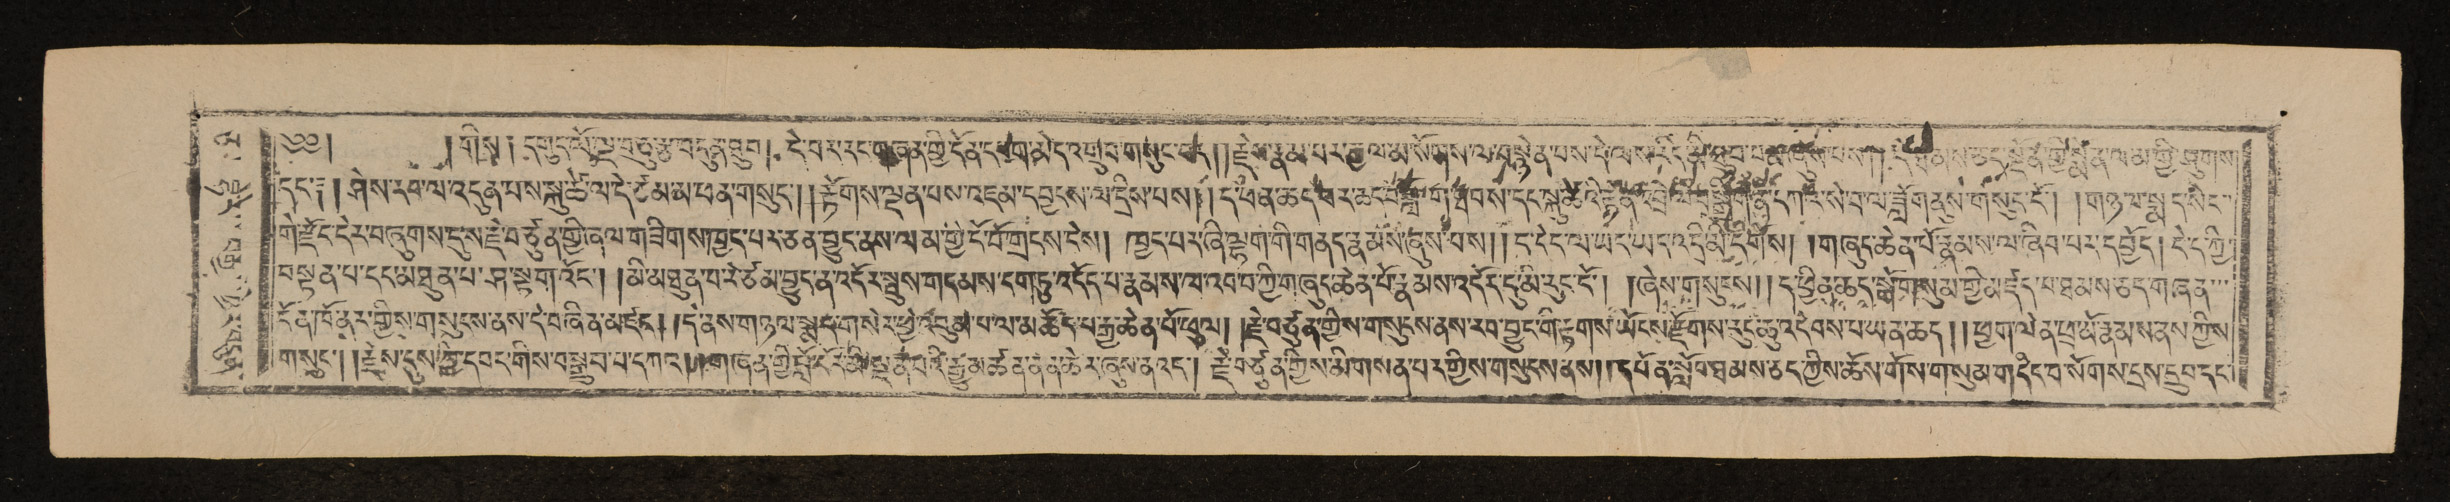༄༅། །གིས༑ དགུང་ལོ་ལྔ་བཅུ་རྩ་བདུན་ཐུབ། དེ་བར་རང་གཞན་གྱི་དོན་དཔག་མེད་འགྲུབ་གསུང་བར། རྗེས་རྣམ་པར་རྒྱལ་མ་སོགས་ལ་བསྙེན་པས་དེ་ལས་རིང་མི་ཐུབ་བམ་ཞུས་པས། དེ་ཐམས་ཅད་སྔོན་གྱི་སྨོན་ལམ་གྱི་ཤུགས་
དང་། ཤེས་རབ་ལ་འདུན་པས་སྐུ་ཚེ་ལ་དེ་ཙམ་མ་ཕན་གསུང་། རྟོགས་ལྡན་པས་འཇམ་དབྱངས་ལ་དྲིས་པས། ད་ཕན་ཆད་བར་ཆད་བཟློག་ཐབས་དང་སྐུ་ཚེའི་རྟེན་འབྲེལ་བསྒྲིག་ན་དཀའ་སེ་བ་ལ་ཟློག་ནུས་གསུང་ངོ། །གཉལ་སྨད་སེང་
གོ་རྫོང་དེར་བཞུགས་དུས་རྗེ་བཙུན་གྱི་ཞལ་གཟིགས་ཁྱད་པར་ཅན་བྱུང་ནས་ལམ་གྱི་ངོ་བོ་གྲངས་ངེས། ཁྱད་པར་ཞི་ལྷག་གི་གནད་རྣམས་ཞུས་པས། ད་ངེད་ལ་ཡང་ཡང་འདྲི་མི་དགོས། གཞུང་ཆེན་པོ་རྣམས་ལ་ཞིབ་པར་དཔྱོད། ངེད་ཀྱི་
བསྟན་པ་དང་མཐུན་པ་ཤ་སྟག་འོང་། མི་མཐུན་པ་རེ་ཙམ་བྱུང་ན་འདོར་སྤུས་གདམས་ངག་ཏུ་འདོད་པ་རྣམས་ལ་འབབ་ཀྱི་གཞུང་ཆེན་པོ་རྣམས་འདོར་དུ་མི་རུང་ངོ། །ཞེས་གསུངས། ད་ཕྱིན་ཆད་སྒོ་གསུམ་གྱི་མཛད་པ་ཐམས་ཅད་གཞན་
དོན་ཁོ་ནར་གྱིས་གསུངས་ནས་དེ་བཞིན་མཛད། དེ་ནས་གཉལ་སྨད་གསེར་ཕྱེ་འབུམ་པ་ལ་མཆོད་པ་རྒྱ་ཆེན་པོ་ཕུལ། རྗེ་བཙུན་གྱིས་གསུངས་ནས་རབ་བྱུང་གི་རྟགས་ཡོངས་རྫོགས་རུང་ཆུ་འདེབས་པ་ཡན་ཆད། ཕྱག་ལེན་ཕྲ་མོ་རྣམས་ནས་ཀྱིས་
གསུང་། རྗེས་དུས་ཀྱི་དབང་གིས་བསྒྲུབ་པ་དཀའ། གཞན་གྱི་བློ་ངོར་མི་ལྡན་པའི་རྒྱུ་མཚན་ནན་ཆེར་ཞུས་ནའང་། རྗེ་བཙུན་གྱིས་མི་གསན་པར་གྱིས་གསུངས་ནས། དཔོན་སློབ་ཐམས་ཅད་ཀྱིས་ཆོས་གོས་གསུམ་གདིང་བ་སོགས་དྲས་དྲུབ་དང་།